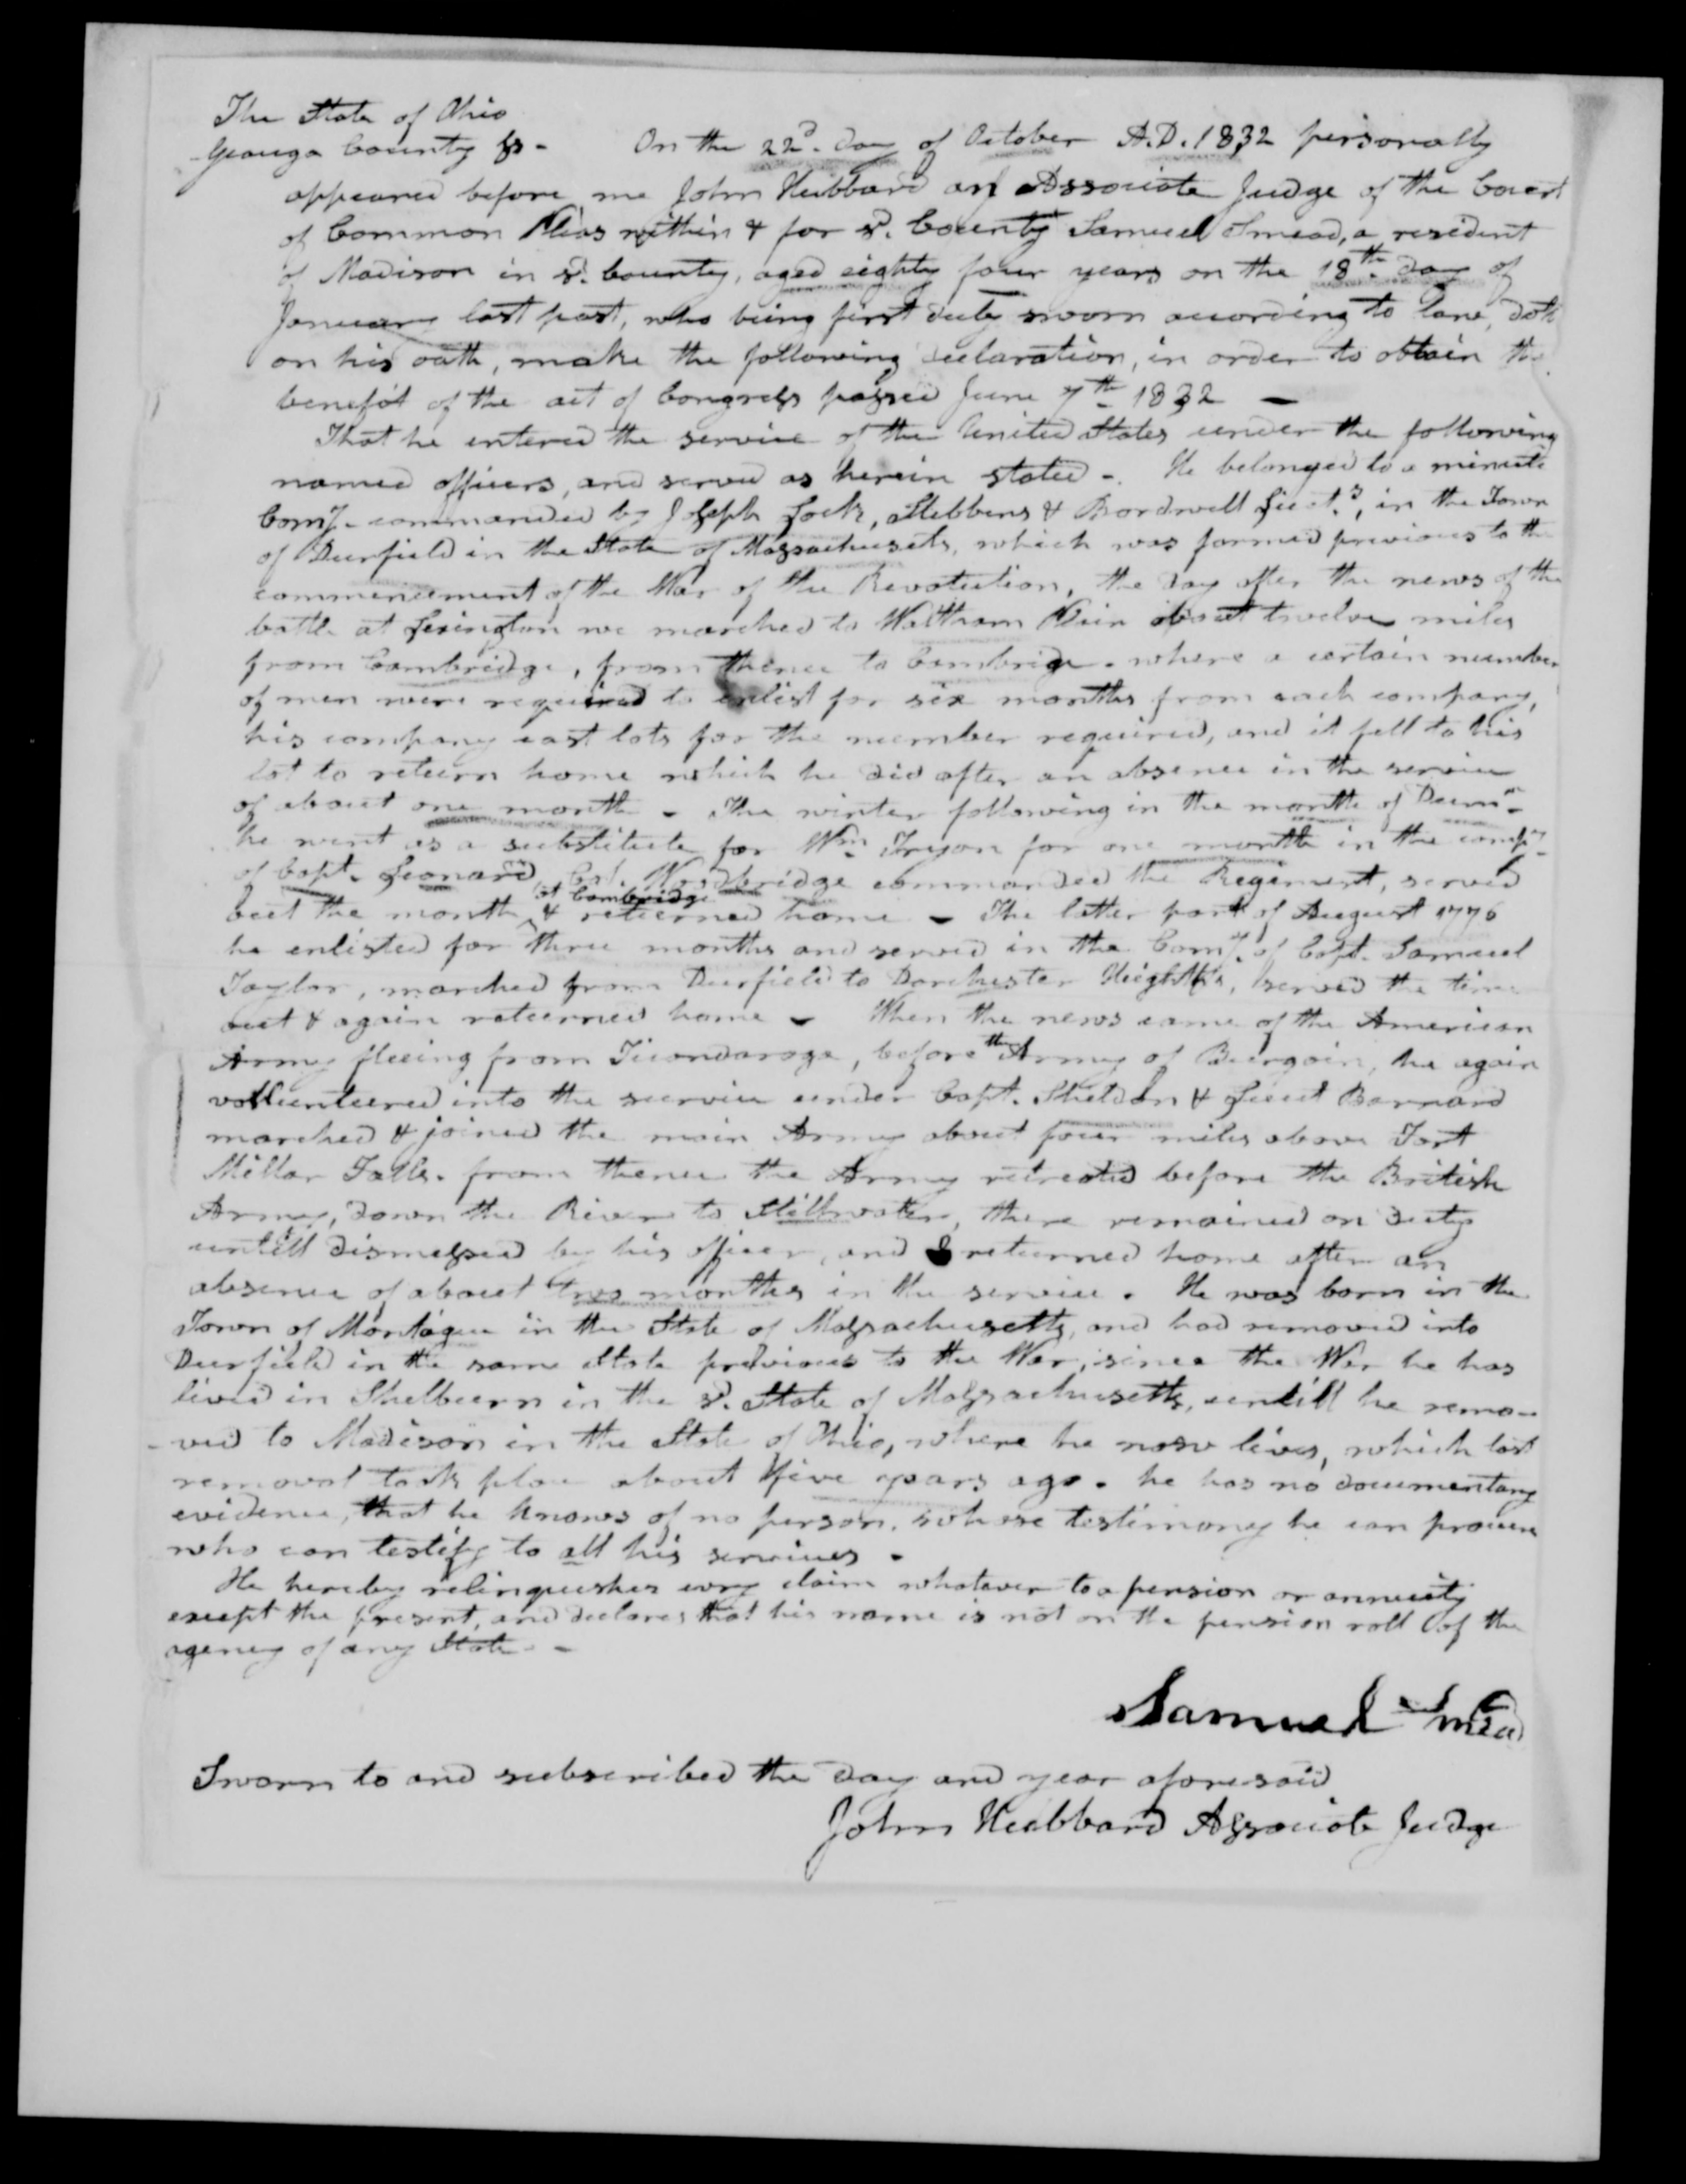The State of Ohio
Geauga County Ss - 
On the 22d day of October A.D. 1832 personally appeared before me John Hubbard an Associate Judge of the Court of Common Pleas within & for sd. County. Samuel Smead, a resident of Madison in sd. County, aged eighty four years on the 18th day of January last past, who being first duly sworn according to law, doth on his oath make the following declaration, in order to obtain the benefit of the act of Congress passed June 7th 1832 - 
That he entered the service of the United States under the following named officers, and served as herein stated - He belonged to a minute Comy [COMPANY] commanded by Joseph Lock [LOCKE?] Stebbins & Bordwell [BARDWELL?] Lieuts, in the Town of Deerfield in the State of Massachusetts, which was formed previous to the commencement of the War of the Revolution, battle at Lexington we marched to Waltham from Cambridge, where a certain number of men were required to enlist for six months from each company, his company cast lots for the member required, and it fell to his lot to return home which he did after an absence in the service of about one month.  The winter following in the month of December - he went as a substitute for Wm Tryon for one month in the company of Capt. Leonard Col. Woodbridge commanded the Regiment, served but the month at Cambridge & returned home.  The latter part of August 1776 he enlisted for three months and served in the Cmpy [COMPANY] of Capt. Samuel Taylor, marched from Deerfield to Dorchester Heights, served the time out & again returned home.  When the news came of the American Army fleeing from Ticonderoga, before the Army of Burgoin [BURGOYNE], he again volunteered into the service under Capt. Sheldon & Lieut Bornard [BERNARD?] marched & joined the main Army about four miles above Fort Millar [MILLER] Falls, from there the Army retreats before the British Army, down the River to Stillwater, there remained on duty untill [SIC] dismissed by his officer, and returned home after an absence of about two months in the service.  He was born in the Town of Montague in the State of Massachusetts, and had removed into Deerfield in the same State previous to the War, since the War he has lived in Shelburn [SHELBURNE] in the State of Massachusetts, untill [SIC] he removed to Madison in the State of Ohio, where he now lives, which last removal took place about five years ago.  he has no documentary evidence, that he knows of no person whose testimony he can procure who can testify to all of his services.
He hereby relinquishes every claim whatever to a pension or annuity except the present, and declares that his name is not on the pension roll of the agency of any State.
Samuel Smead

Sworn to and subscribed the day and year aforesaid.
John Hubbard Associate Judge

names: Samuel Taylor; Samuel Smead; Samuel Smead; [BLANK] Sheldon; John Hubbard; [BLANK] Stebbens; Wm Trison; John Hubbard; Joseph Lock; [BLANK] Bordwell; [BLANK] Barnard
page: 7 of 18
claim: survivor's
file: S. 18,605, for Samuel Smead, Massachusetts